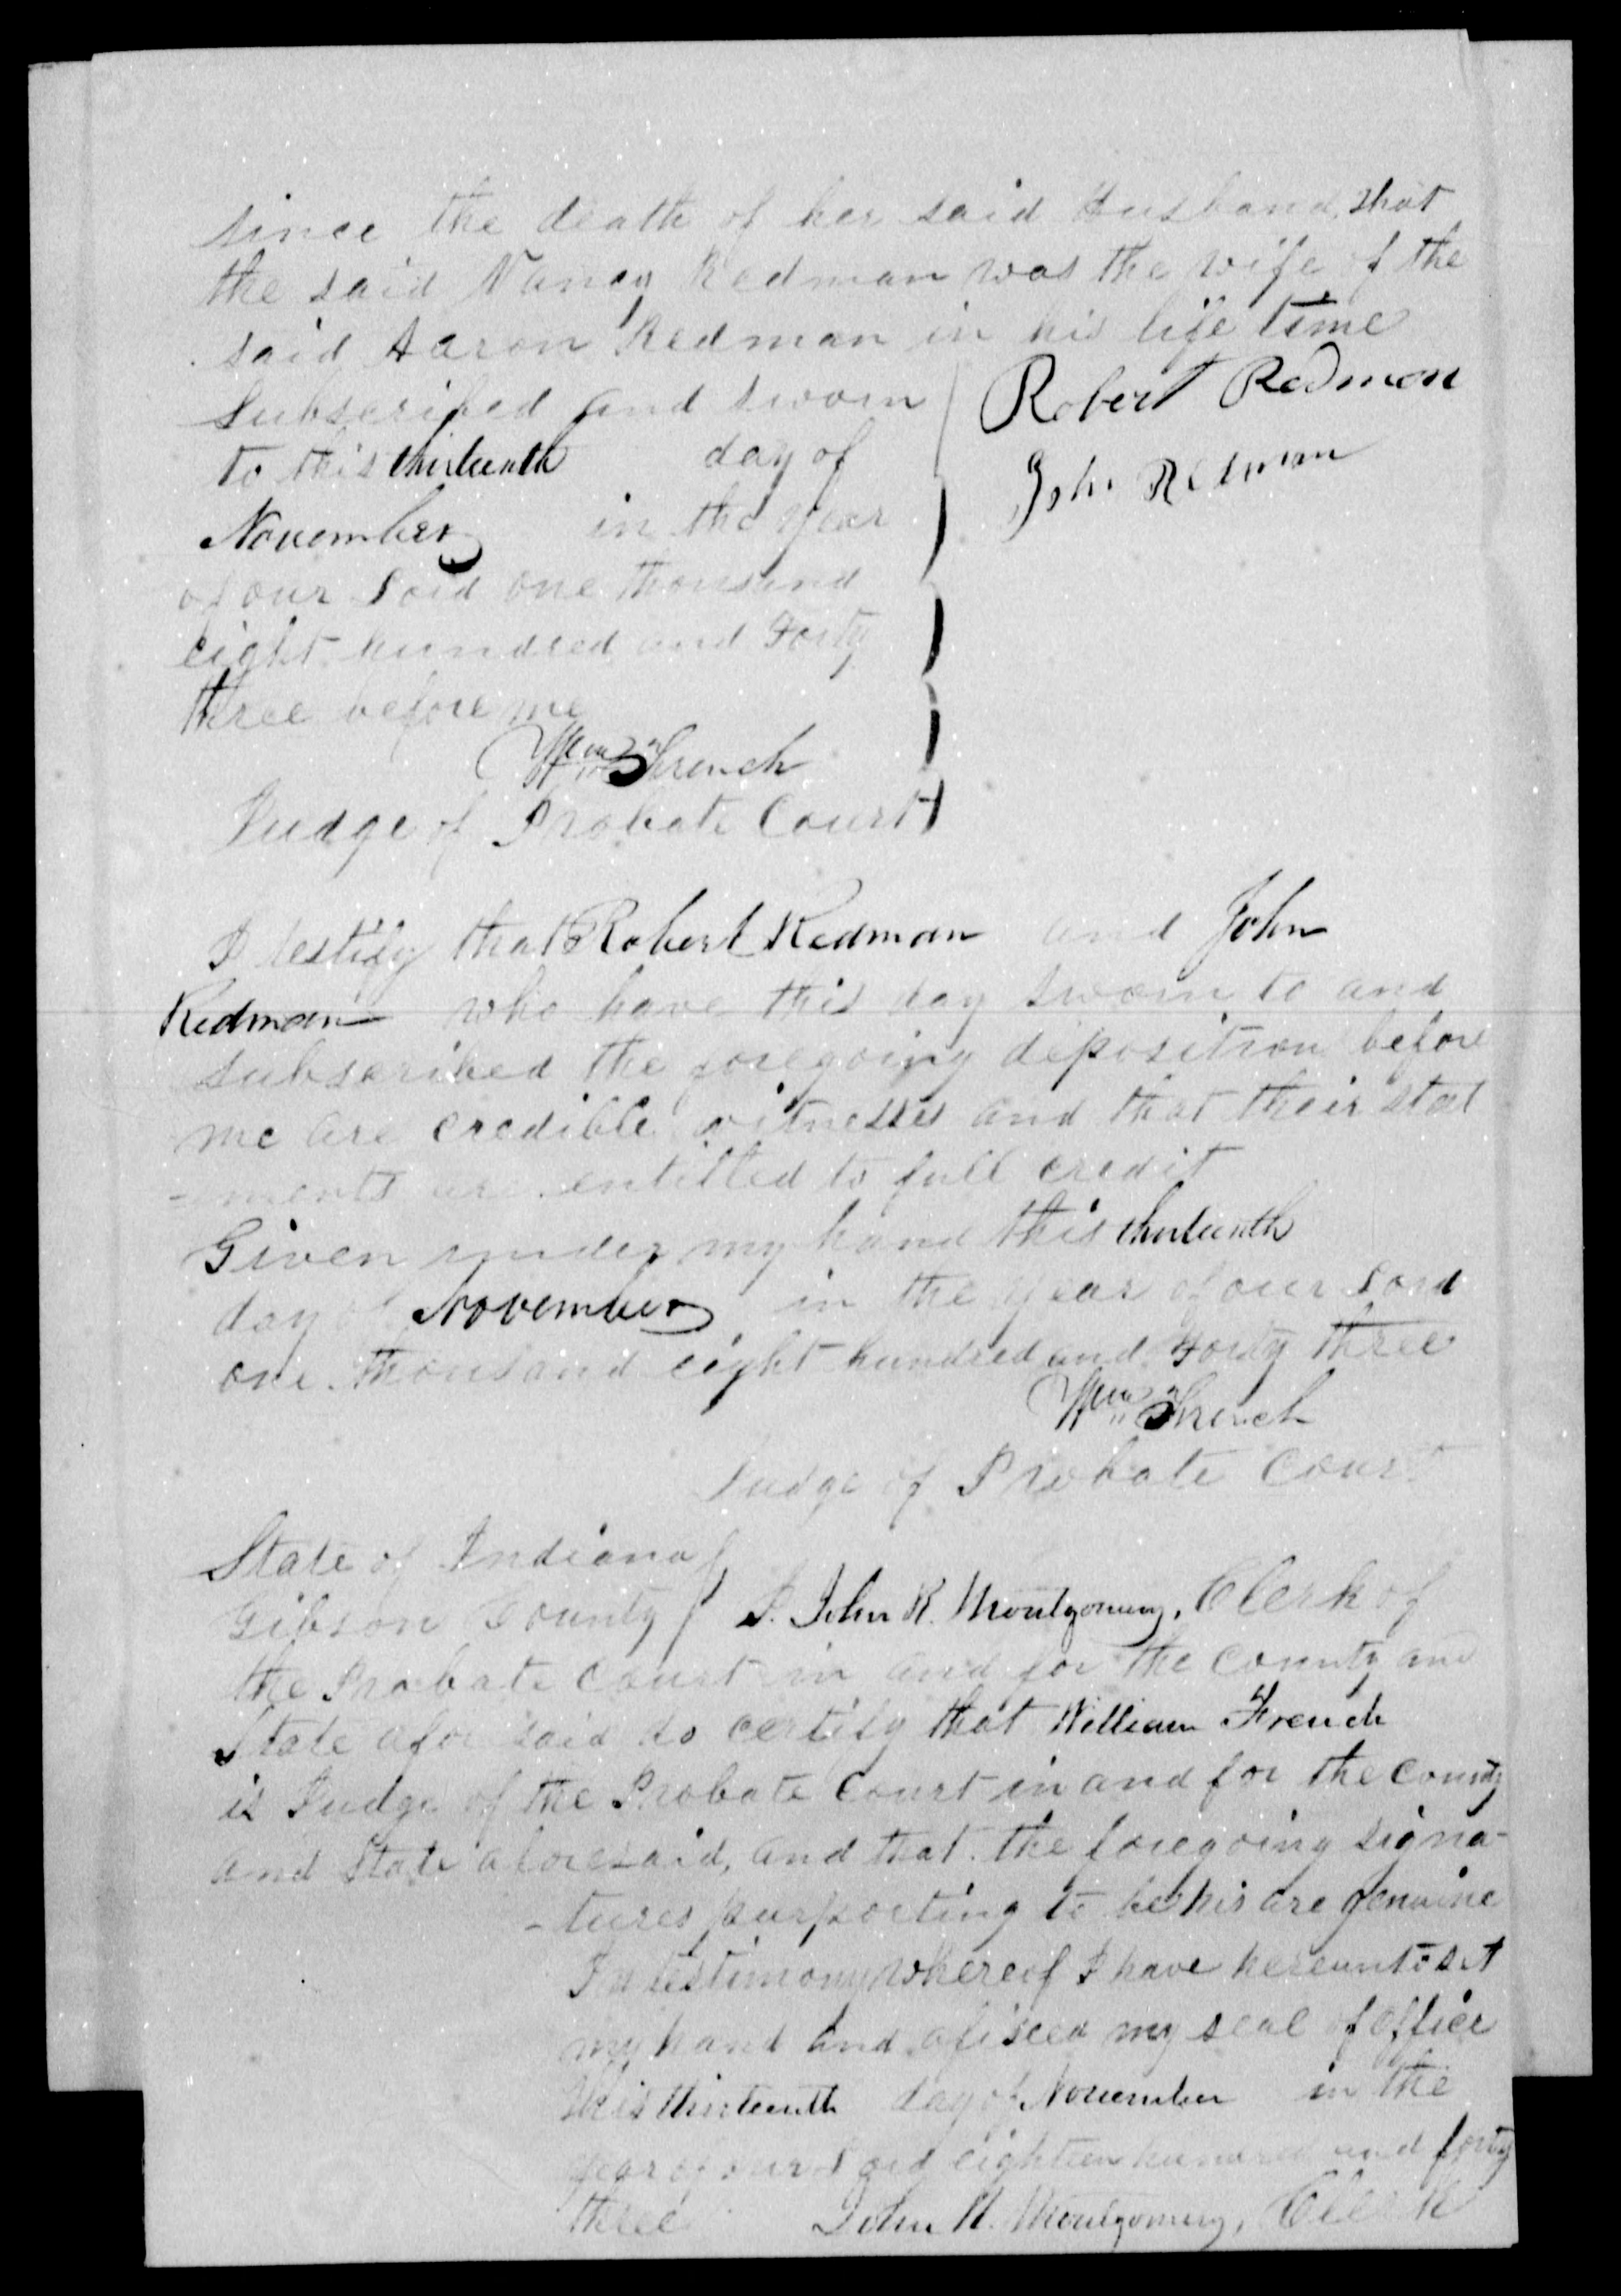since the death of her said Husband that the said Nancy Redman was the wife of the said Aaron Redman in his lifetime
Subscribed and sworn Robert Redman
to this thirteenth day of John Redman
November in the year of our Lord one thousand eight hundred and Forty three before me
Wm French
Judge of Probate Court

I testify that Robert Redman and John Redman who have this day sworn to and Subscribed the foregoing deposition before me are credible witnesses and that their statements are entitled to full credit
Given under my hand this thirteenth day of November in the year of our Lord one thousand eight hundred and Forty three
Wm French
Judge of Probate Court

State of Indiana
Gibson County SS I John R. Montgomery, Clerk of the Probate Court in and for the County and State aforesaid do certify that William French is Judge of the Probate Court in and for the County and State aforesaid, and that the foregoing signatures purporting to be his are genuine 
In testimony whereof I have hereunto set my hand and affixed my seal of office this thirteenth day of November in the year of our god eighteen hundred and forty three
John R. Montgomery, Clerk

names: William French; Robert Redman; John Redman; Robert Redman; John Redman; Aaron Redman; Wm French; Wm French; John R Montgomery; Nancy Redman; John R Montgomery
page: 15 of 57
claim: widow's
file: W. 9,622, for Aaron Redman, Virginia